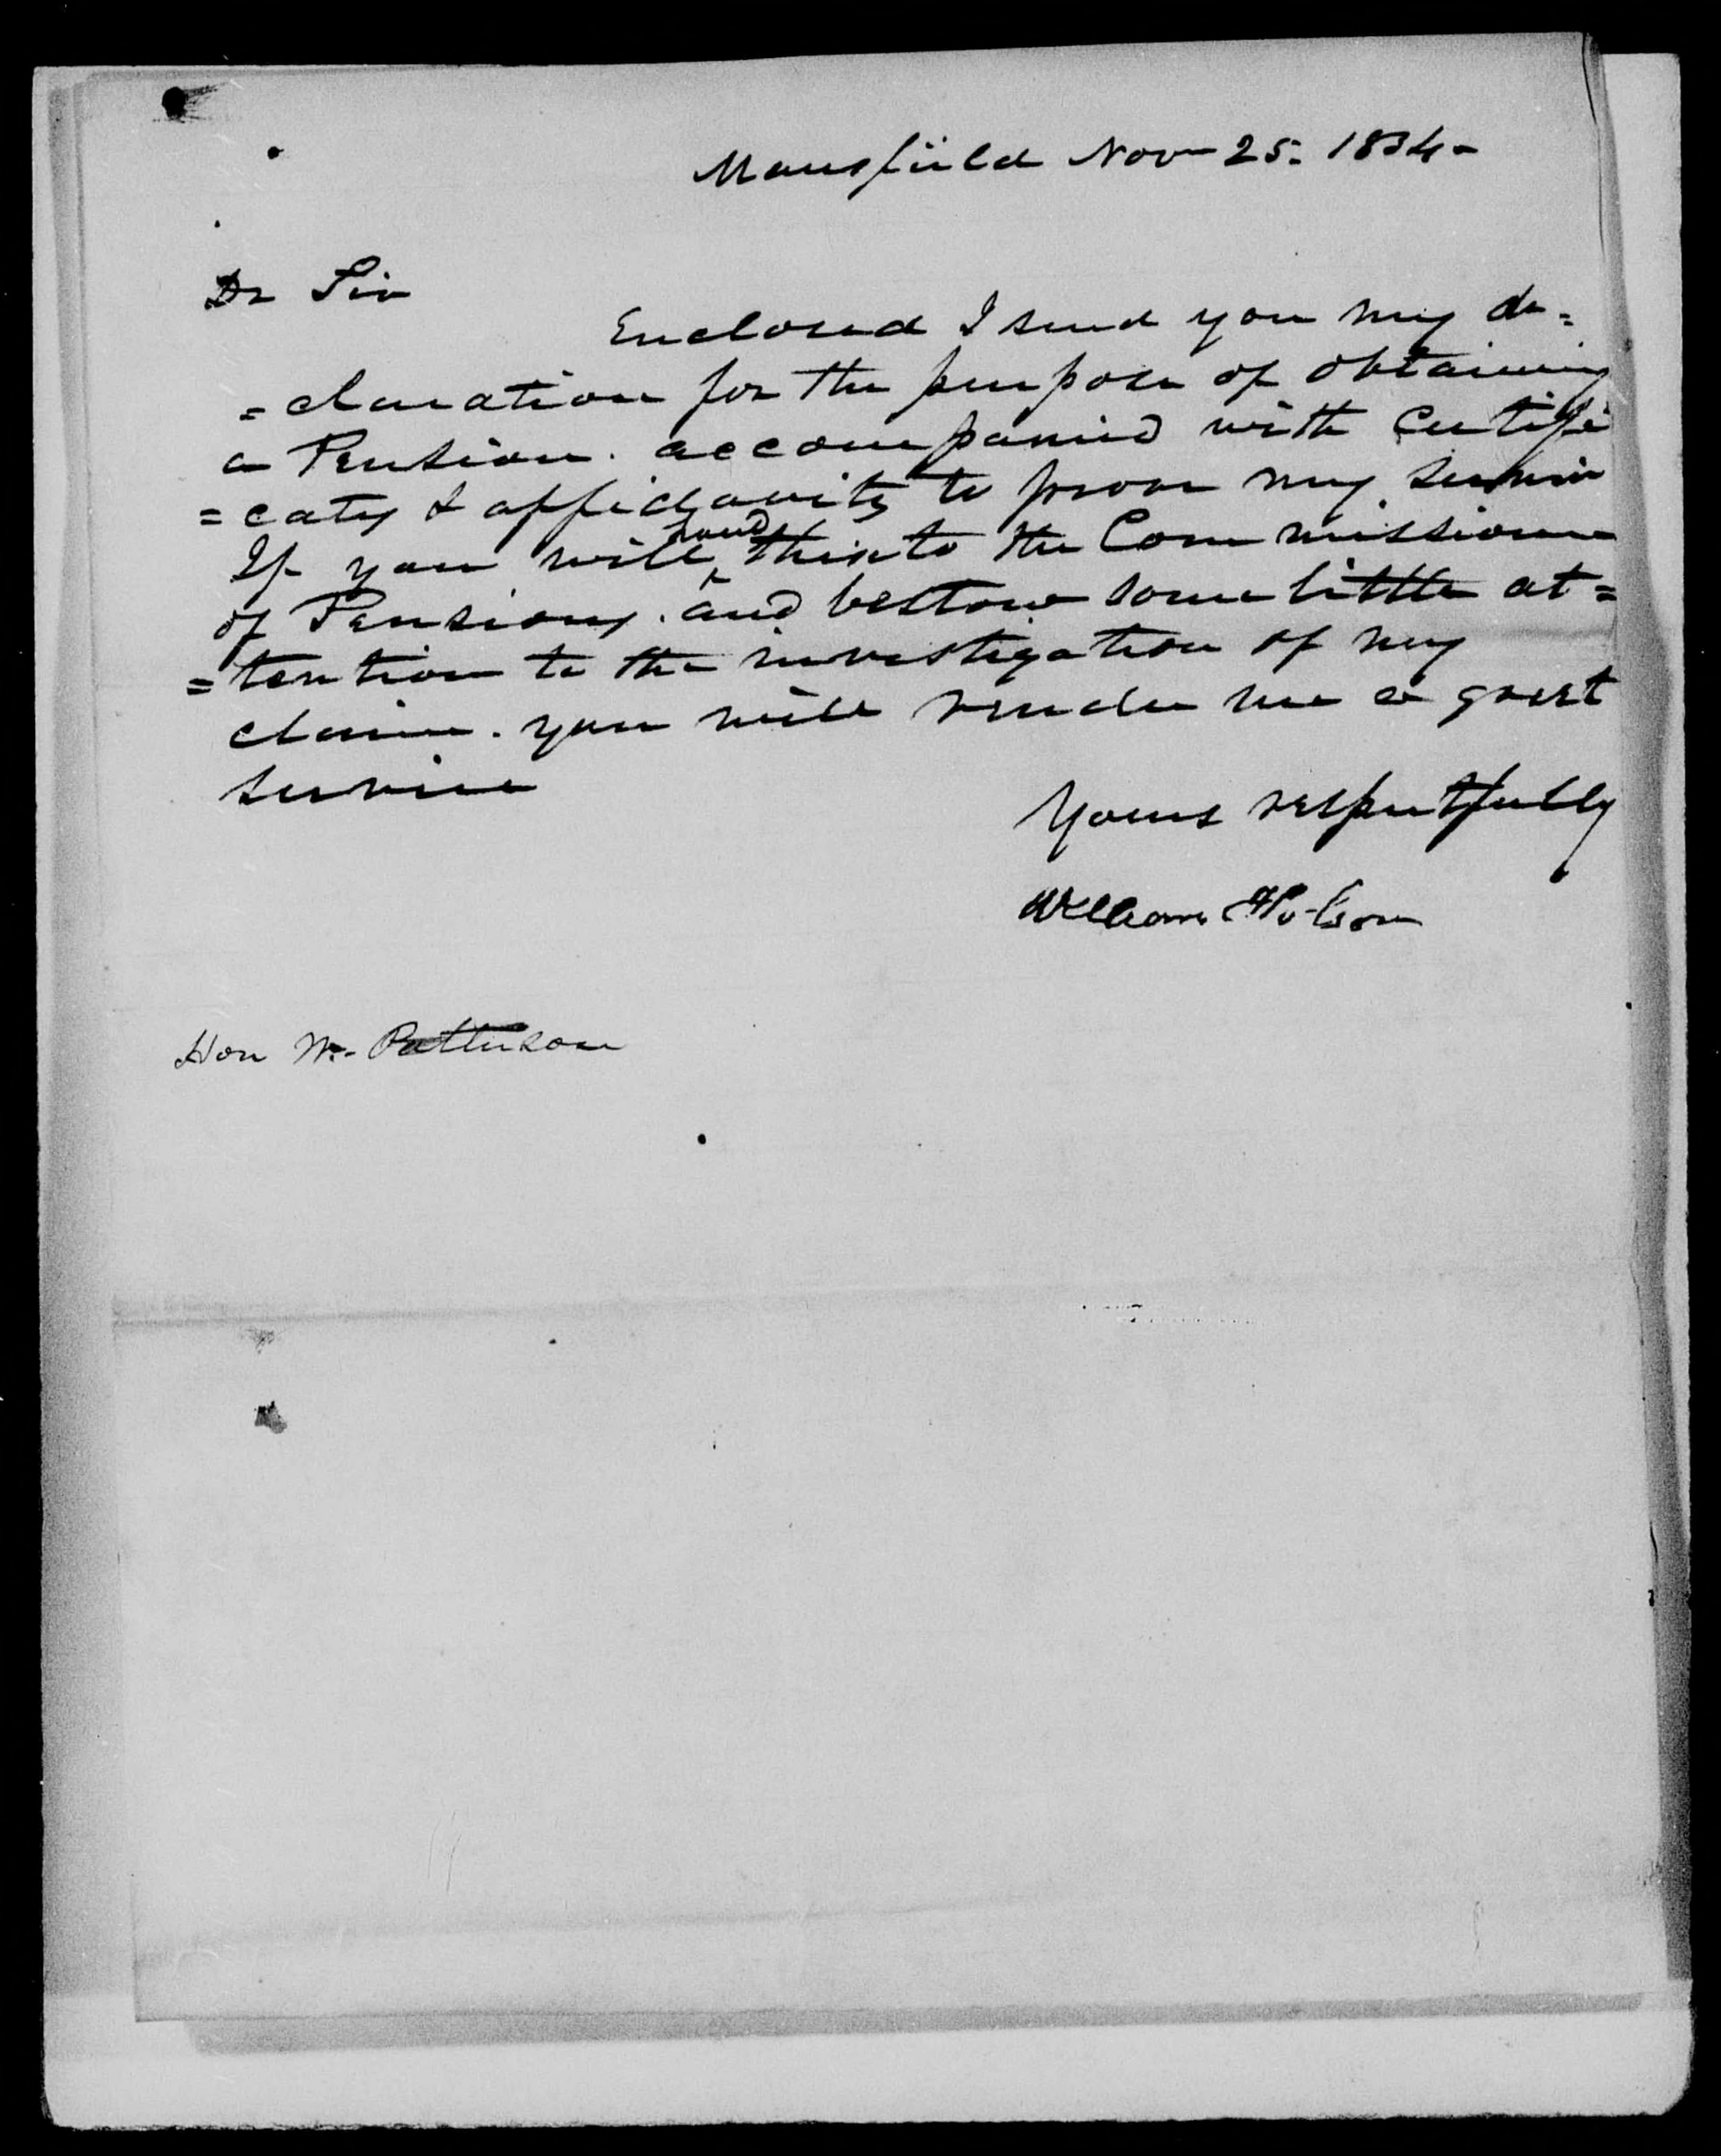Mansfield Nov 25, 1834

Dr Sir

Enclosed I send you my declaration for the purpose of obtaining a Pension accompanied with certificates & affidavits to prove my service. 
If you will send this to the Commissioner of Pensons and bestow some little attention to the investgation of my claim, you will render me a great service.

Yours respectfully,

William Holson

Hon. W. Patterson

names: William Holson, W Patterson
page: 9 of 33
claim: survivor's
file: S. 9587, William Holson, Va.